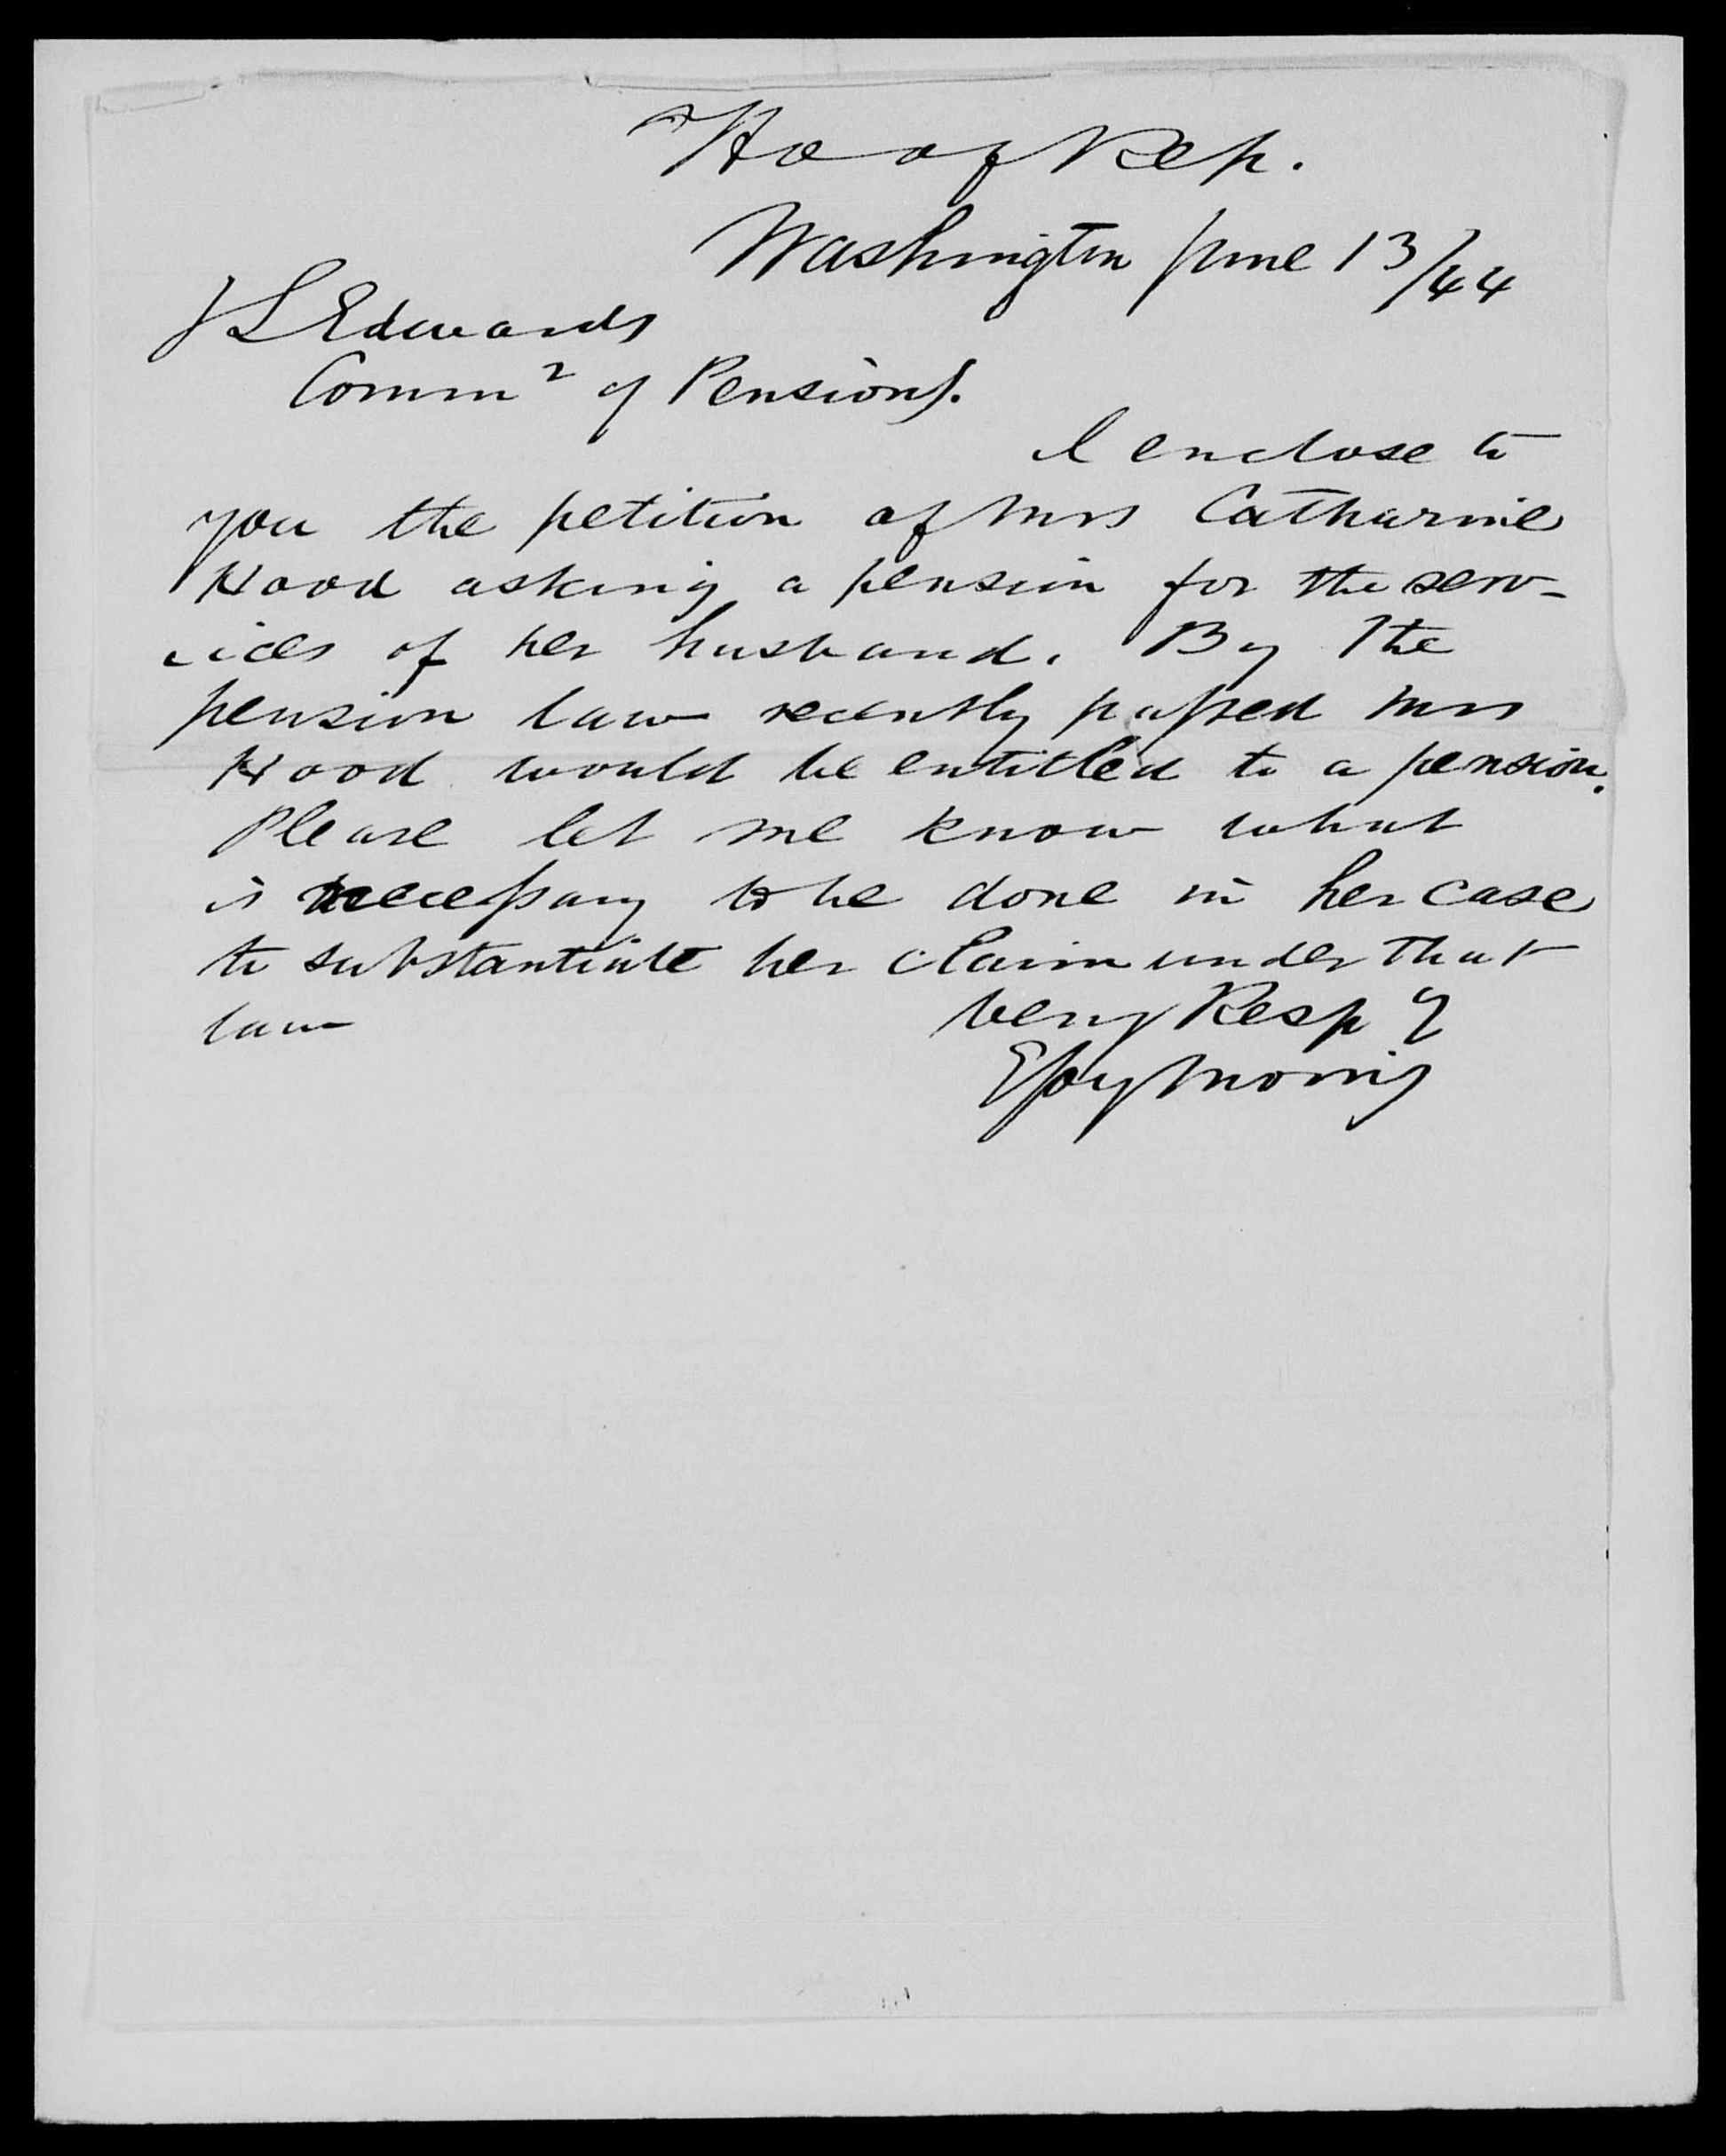[Illegible]
Washington June 13, 1844
J. L. Edwards
Commissioner of Pensions
I enclose to you the petition of Mrs. Catharine Hood asking a pension for the services of her husband. By the pension law recently passed, Mrs. Hood would be entitled to a pension. Please let me know what is necessary to be done in her case to substantiate her claim under that law. 
Very respectfully,
Hon. E. J. Morris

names: Hood, Catharine Hood, J L Edwards, Epy Morris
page: 21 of 51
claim: widow's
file: W 8939, George Hood, Continental Va.